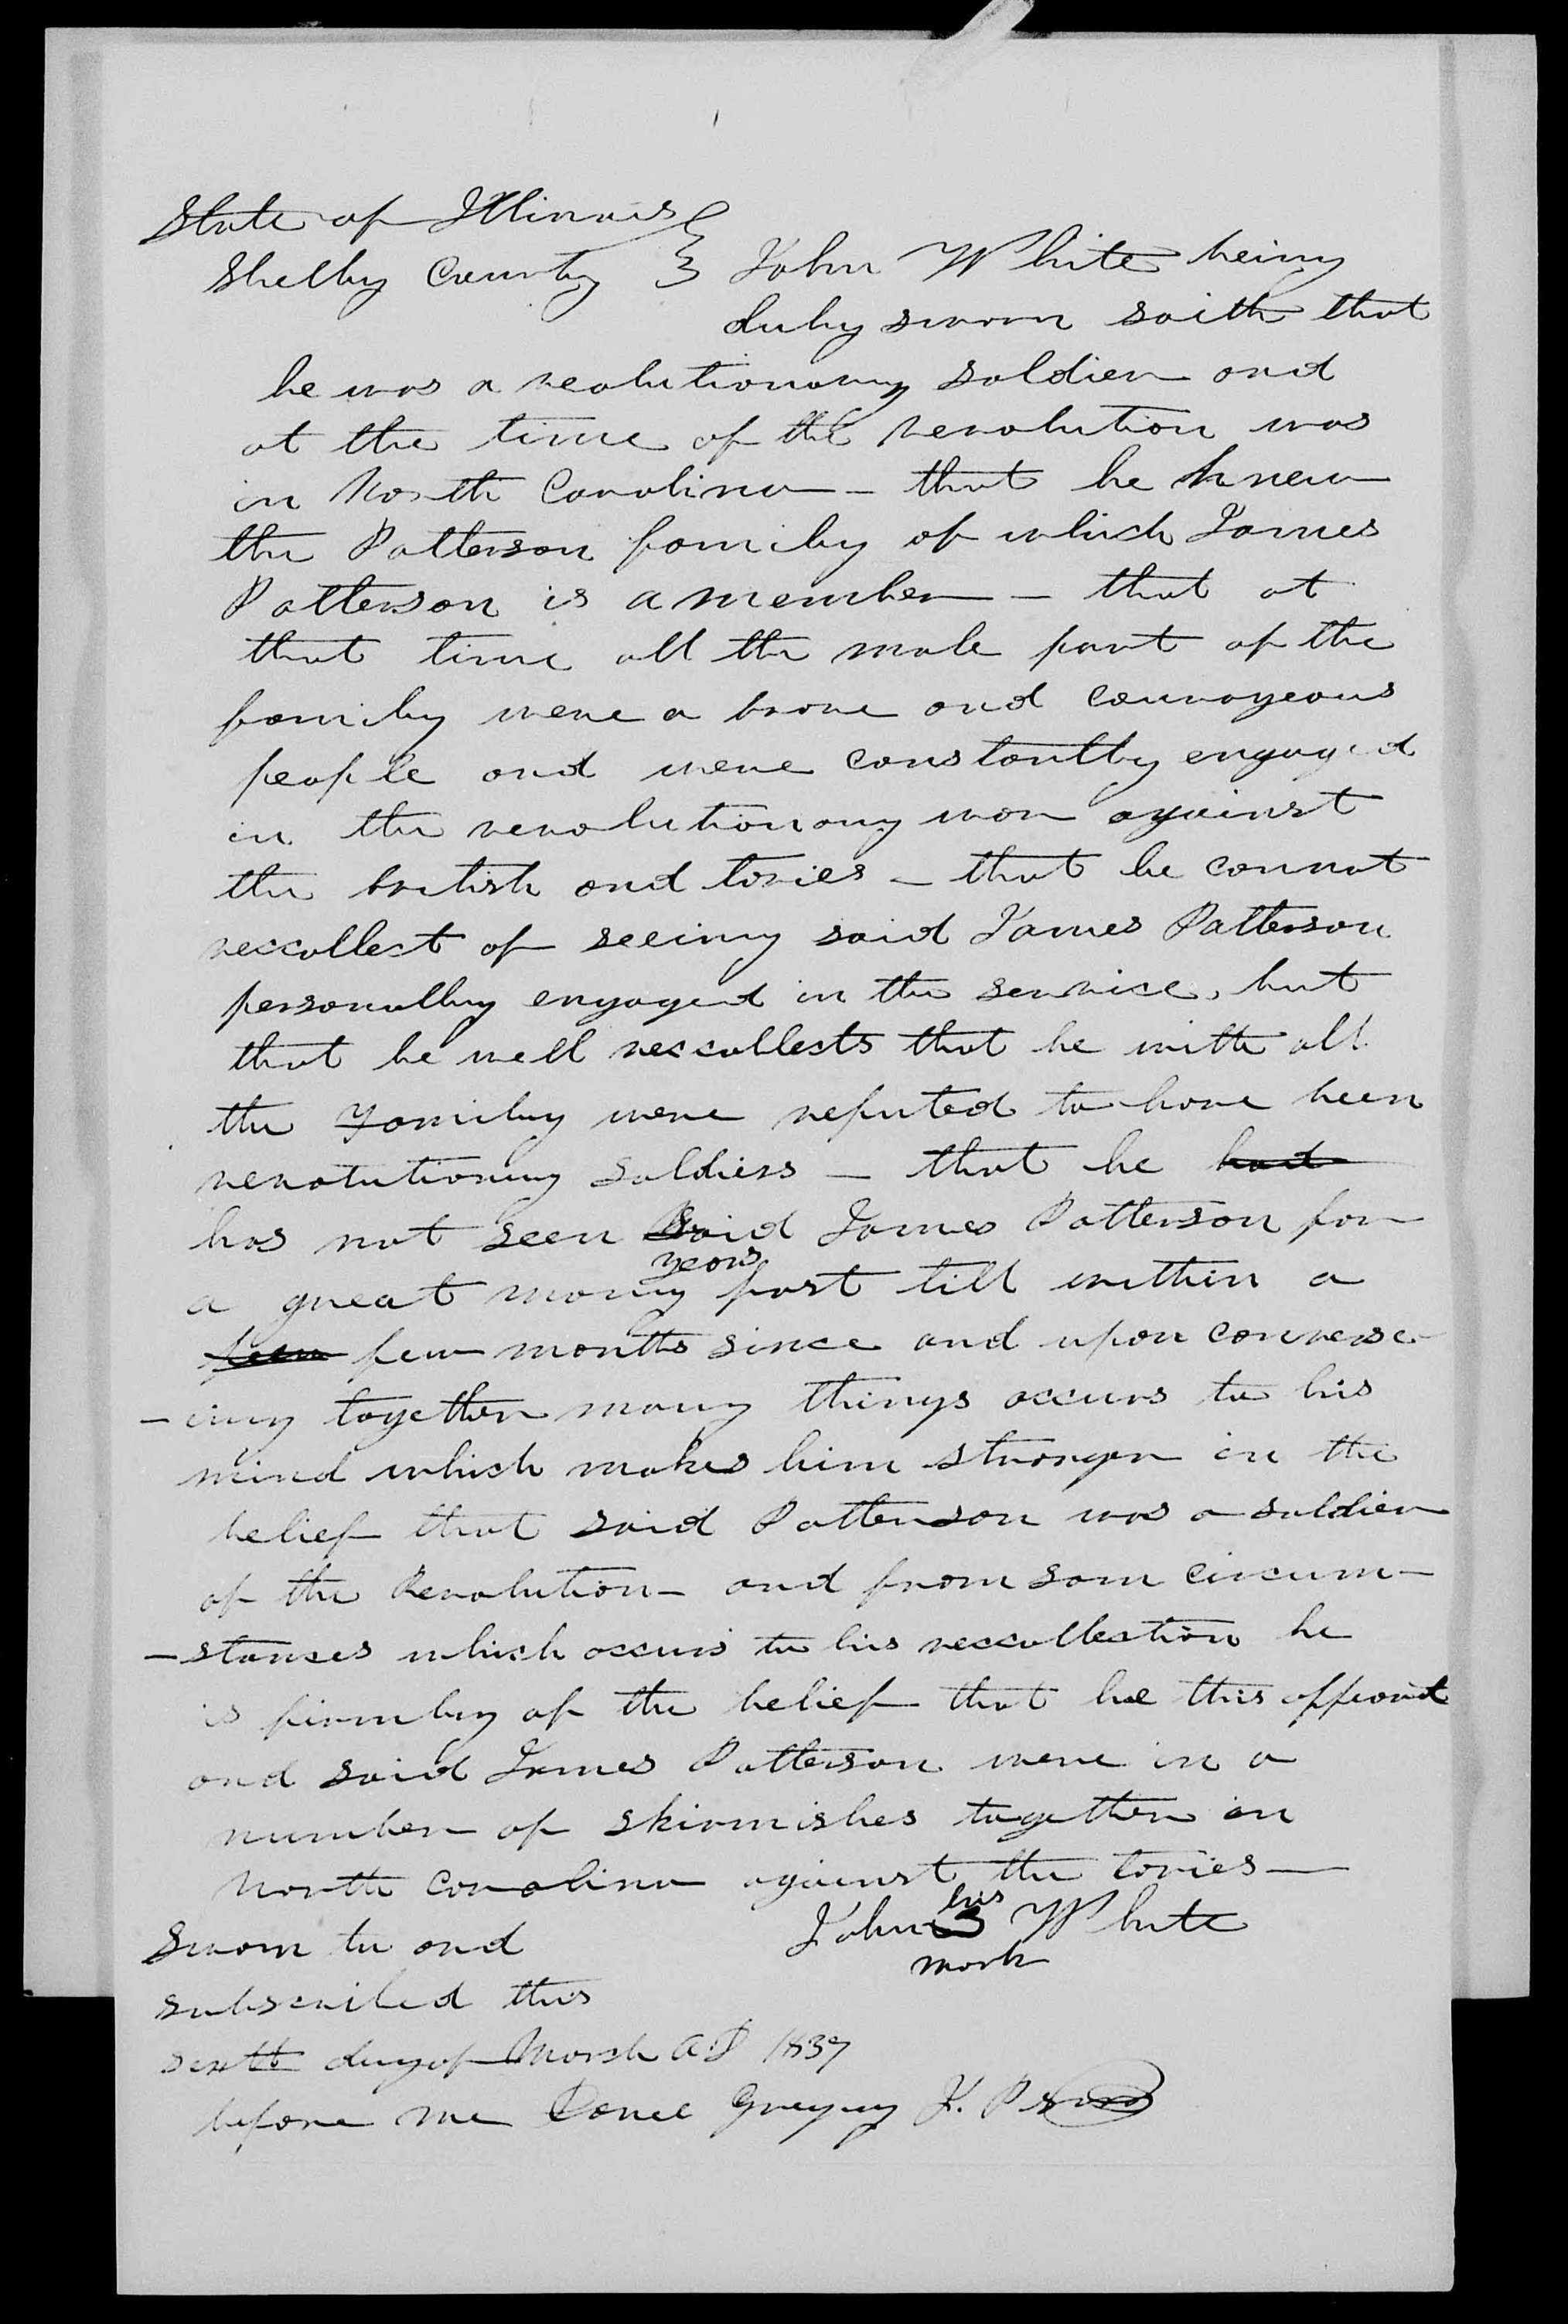State of Illinois }
Shelby County  }  John White being duly sworn saith that he was a revolutionary soldier and at the time of the revolution was in North Carolina- that he knew the Patterson family of which James Patterson is a member-- that at that time all the male part of the family were a brave and courageous people and were constantly engaged in the revolutionary war against the british and tories - that he cannot reccollect of seeing said James Patterson personally engaged in the service, but that he well recollects that he with all the family were reputed to have been revolutionary soldiers-- that he [crossed out ⌨ ⌨] has not seen said James Patterson for a great many years [illegible part] till within a few months since and upon conversing together many things occurs to his mind which makes him stronger in the belief that said Patterson was a soldier of the Revolution and from some circumstances which occurs to his recollection he is firmley of the belief that he this affiant and said James Patterson were in a number of skirmishes together in North Caroline against the tories- 
Sworn to and                          John (his mark) White
subscribed this 
sixth day of March AD 1837 
before me Danel Gregery J. Peace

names: Danel Gregery; James Patterson; John White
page: 50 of 69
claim: widow's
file: W. 10861, for James Patterson, North Carolina